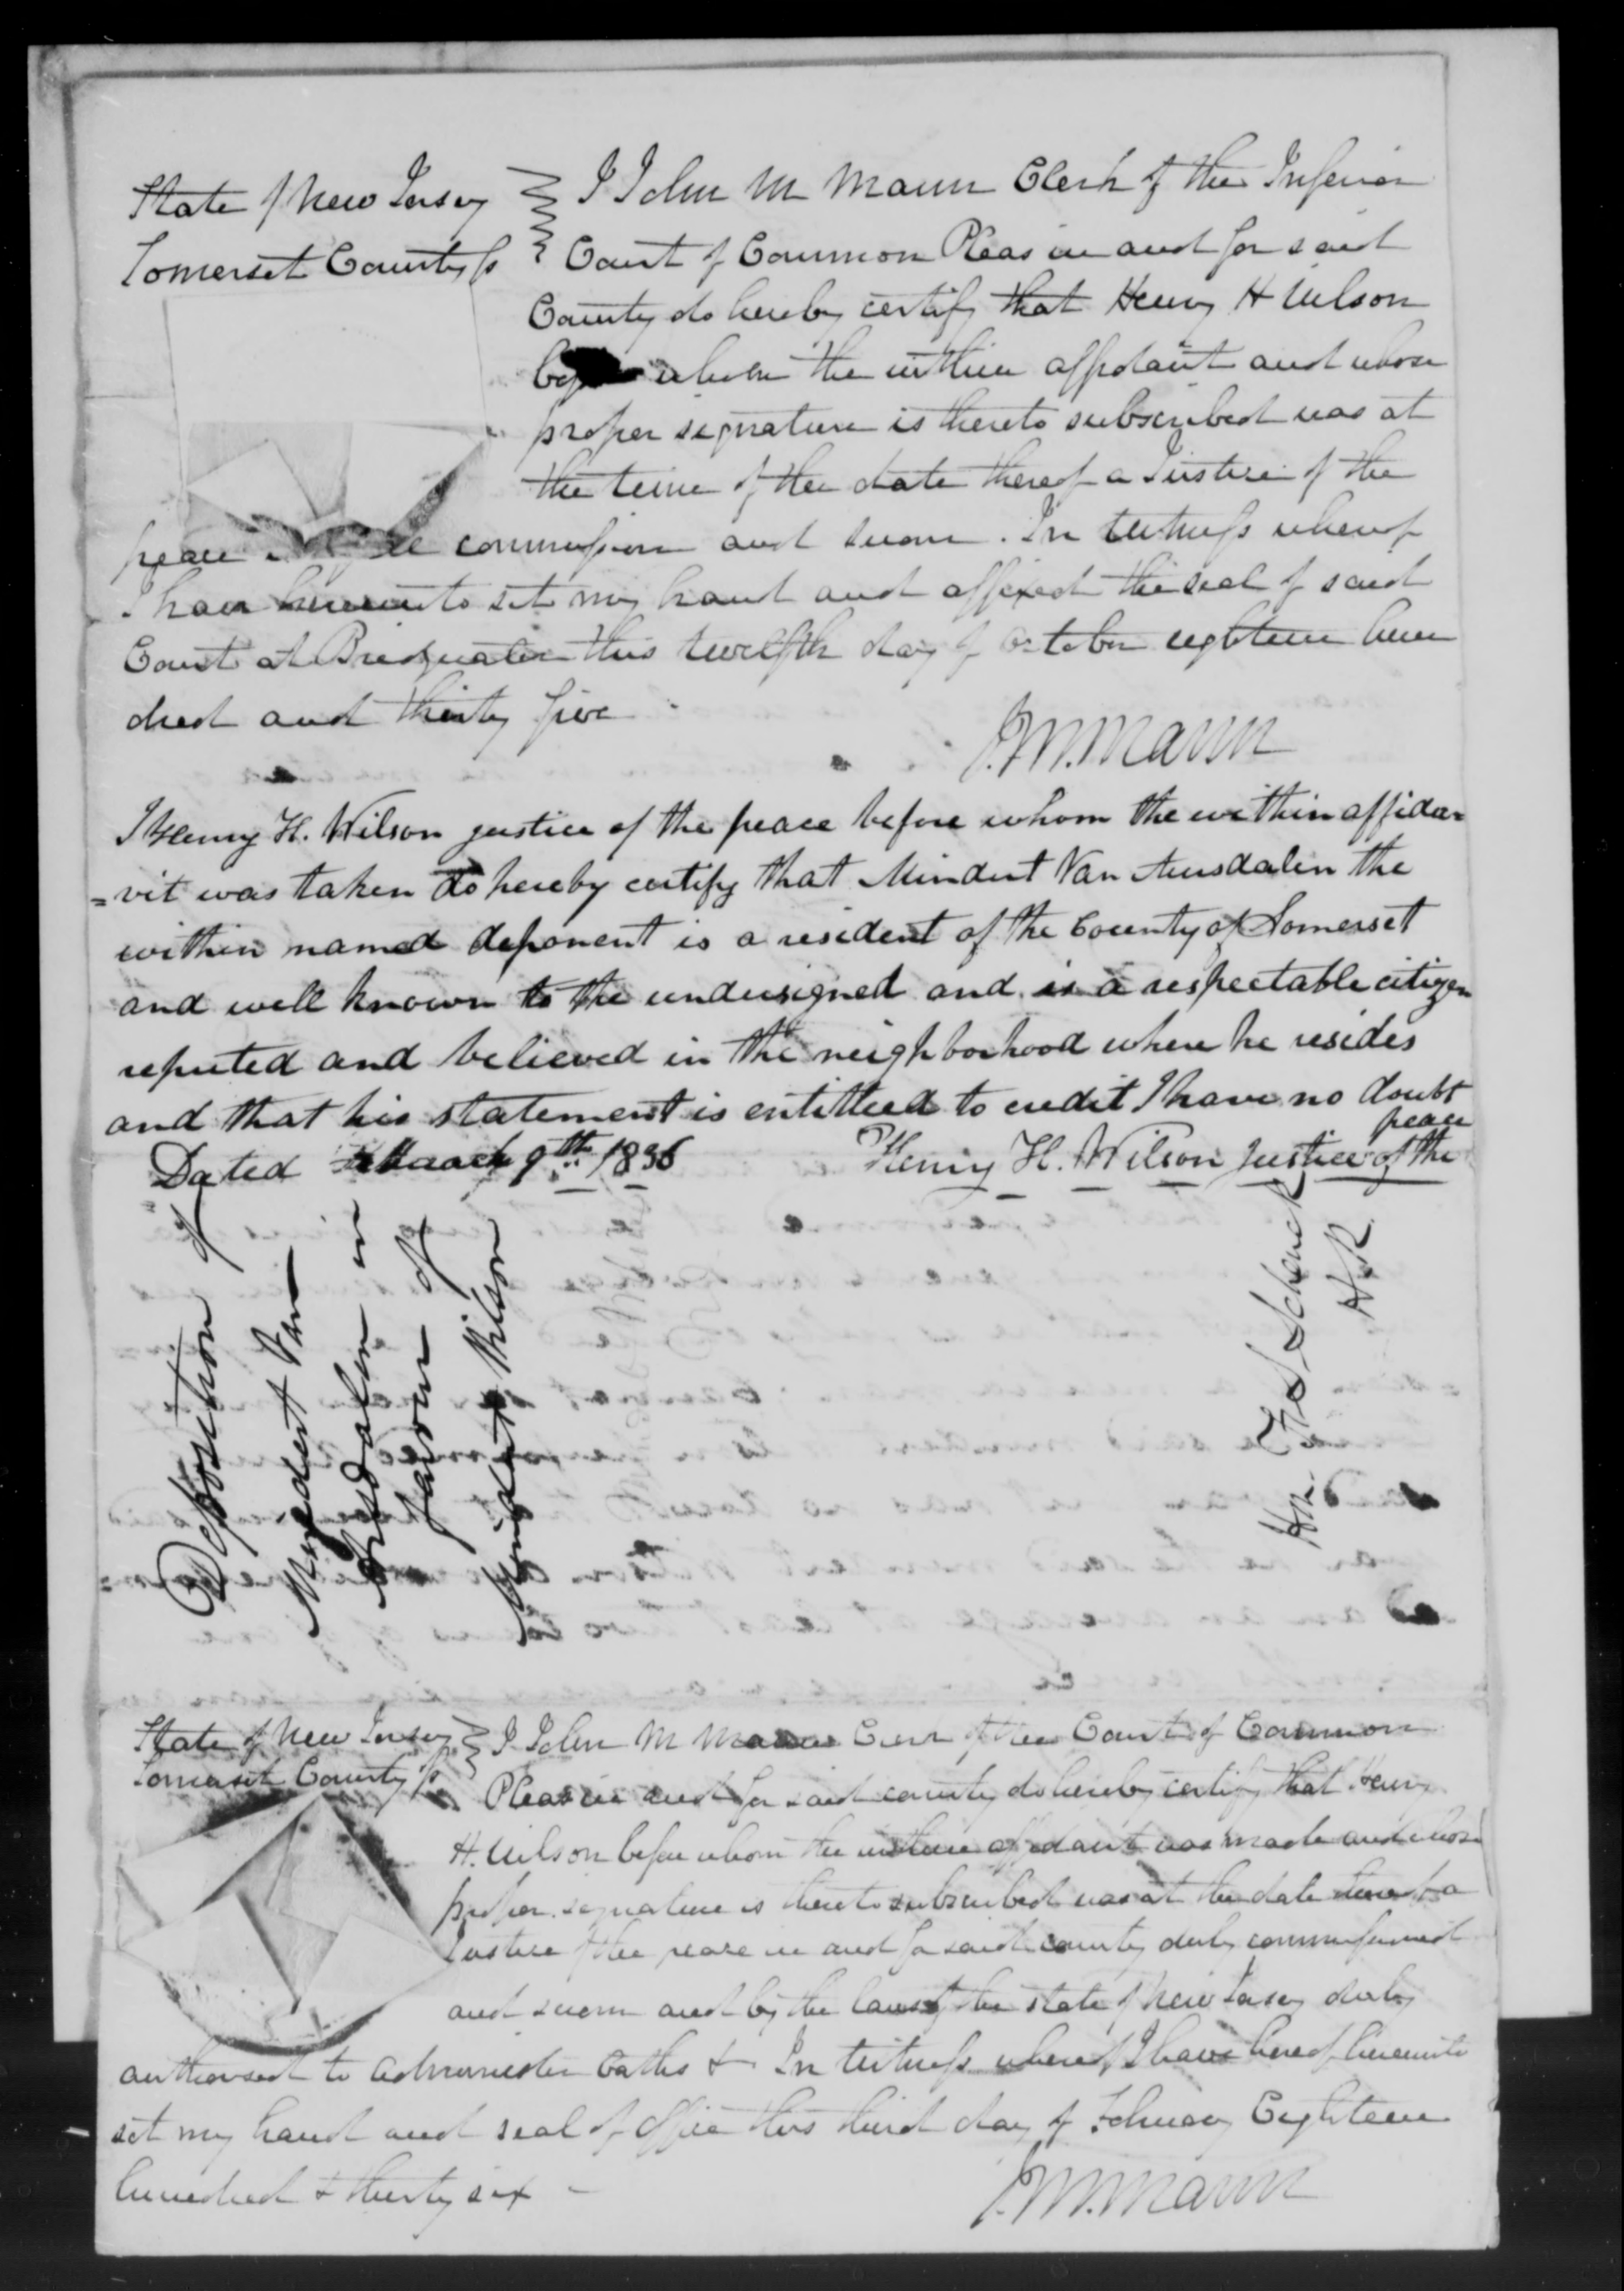State of New Jersey
Somerset County ss }

I John M Mann Clerk of the Inferior Court of Common Pleas in and for said County do hereby certify that Henry H Wilson before whom the within affidavit and whose proper signature is thereto subscribed was at the time of the date thereof a Justice of the peace [obscured] commissioned and sworn. In witness whereof
have hereunto set my hand and affixed the Seal of said Court at Bridgewater this twelfth day of October eighteen hundred and thirty five.

[signed] J. M. Mann

I Henry H. Wilson justice of the peace before whom the within affidavit was taken do hereby certify that Mindert Van Arsdalen the within named deponent is a resident of the County of Somerset and well known to the undersigned and is a respectable citizen reputed and believed in the neighborhood where he resides and that his statement is entitled to credit I have no doubt
Dated July 7th 1836

Henry H. Wilson Justice of the peace

[written vertically]
Deposition of Mindert Van Arsdalen in favour of Mindert Wilson
Hon. F. S. Schenck HR

State of New Jersey
Somerset County ss }

I John M Mann Clerk of the Court of Common Pleas in and for said county do hereby certify that Henry H. Wilson before whom the within [?] affidavit was made and whose proper signature is thereto subscribed was at the date thereof a Justice the peace in and for said County duly commissioned and sworn and by the laws of the state of New Jersey duly authorised to administer oaths & In witness whereof I have hereof hereunto set my hand and seal of office this third day of February Eighteen hundred & thirty six.

[signed] J. M. Mann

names: F S Schenck, Henry H Wilson, Mindert Wilson, John M Mann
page: 27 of 40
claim: survivor's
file: S. 3564, Mindart Wilson, New Jersey